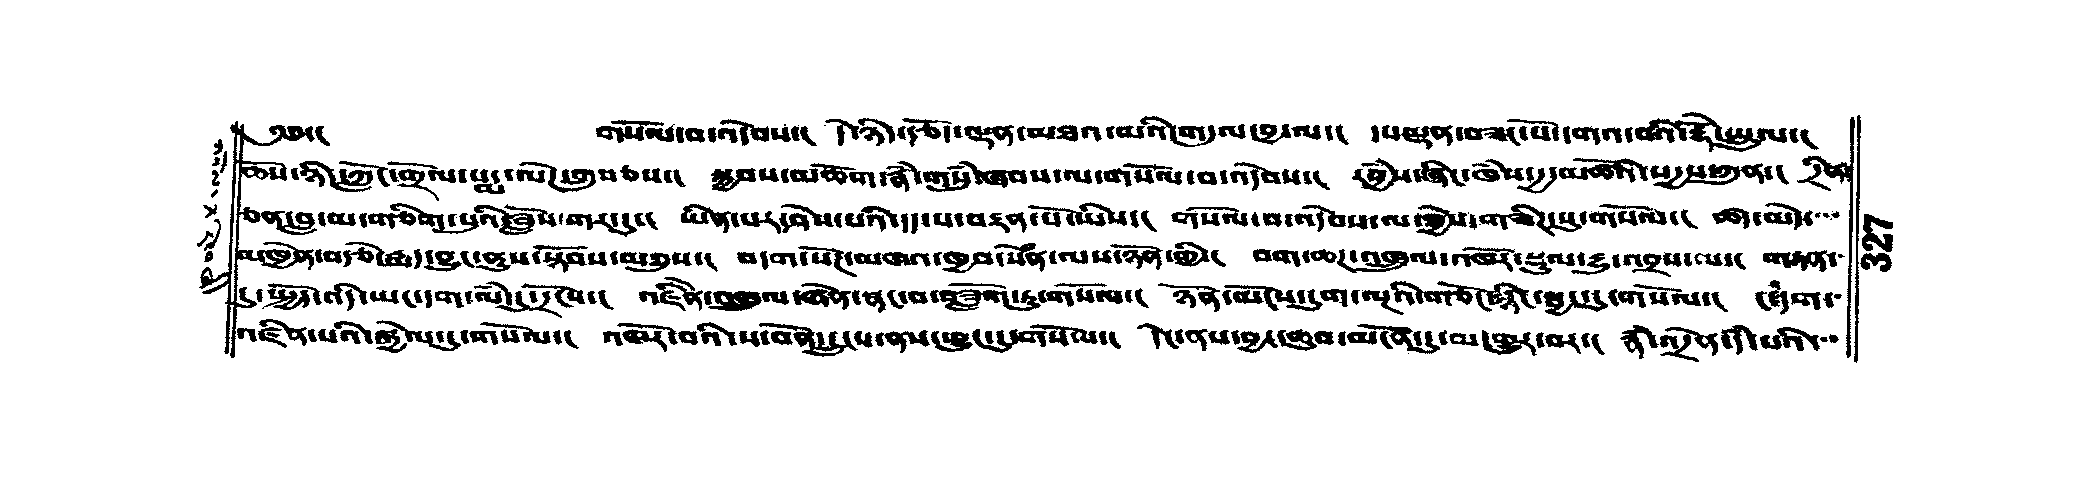གསོལ་བ་འདེབས། །དེ་ཉིད་རྩོད་ལྡན་མཐའ་མའི་གདུལ་བྱ་ལ། །དཔལ་ལྡན་བཟང་པོ་དགའ་བའི་རྡོ་རྗེ་སྤྲུལ། །
ཆོས་ཉིད་ཀློང་གྲོལ་པདྨ་ལེགས་གྲུབ་བཅས། །སྐྱབས་མཆོག་རྣམ་གསུམ་ཞབས་ལ་གསོལ་བ་འདེབས། །རབ་འབྱམས་ཞིང་ཁམས་རྒྱ་མཚོའི་སངས་རྒྱས་ཀུན། །དྲིན་
ཅན་བླ་མ་གཅིག་པུའི་ཟློས་གར་དུ། །ཡིན་པར་ཤེས་པའི་དད་པ་བརྟན་པོ་ཡིས། །གསོལ་བ་འདེབས་ལ་ཐུགས་རྗེས་གཟིགས་སུ་གསོལ། །ཚད་མེད་
མཁྱེན་བརྩེ་རྨད་བྱུང་ནུས་སྟོབས་མཐུས། །བདག་སོགས་མཁའ་ཁྱབ་སེམས་ཅན་ལས་ཉོན་གྱི། །བག་ཆགས་འཁྲུལ་འཁོར་སྡུག་བསྔལ་རྒྱུ་འབྲས་ལ། །གཏན་
དུ་སྤྱོད་འདི་ཡང་དག་ལམ་དུ་དྲོངས། །འཇིག་རྟེན་འཁྲུལ་ཞེན་སྣང་བ་བཟློག་ཏུ་གསོལ། །ཉོན་མོངས་དུག་ལྔའི་གཅོང་རྙིང་སྦྱང་དུ་གསོལ། །ང་བདག་
འཛིན་པའི་ཁང་ཁྱིམ་སྒྱེལ་དུ་གསོལ། །འཁོར་བའི་ས་བོན་དྲུངས་ནས་ཕྱུང་དུ་གསོལ། །དེང་ནས་བྱང་ཆུབ་མངོན་དུ་མ་གྱུར་བར། །རྣམ་འདྲེན་དམ་པའི་